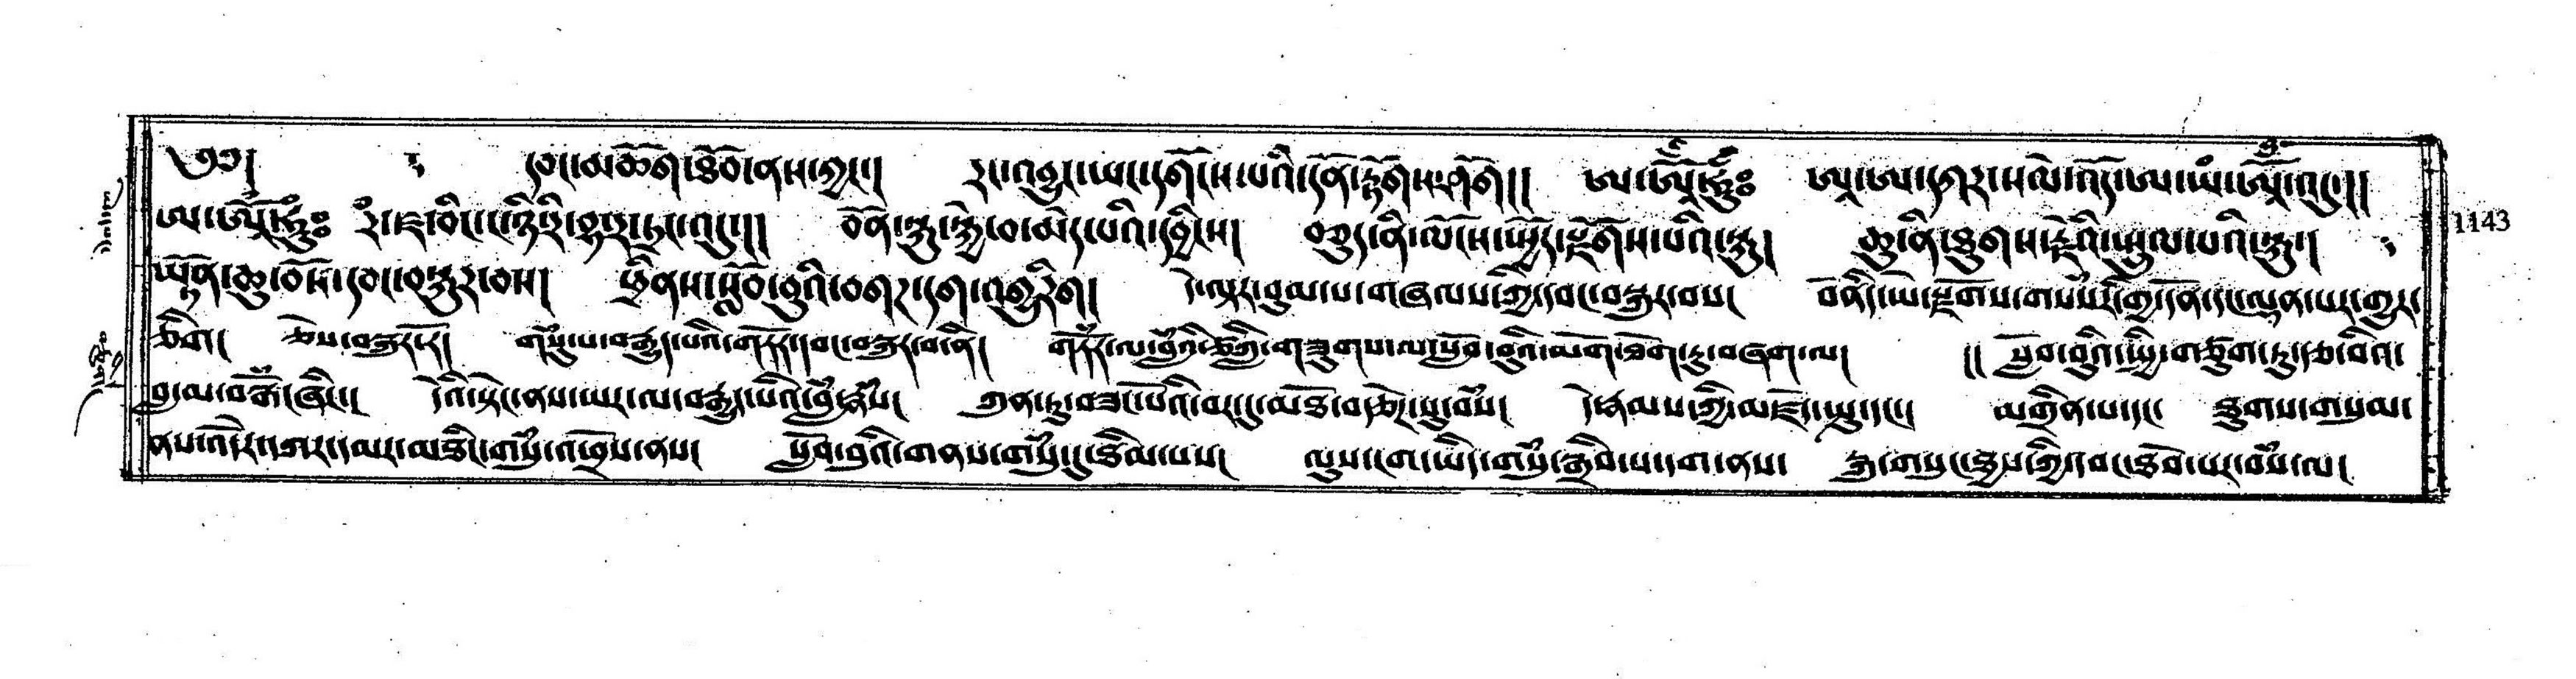དབང་མཆོག་ཐོབ་ནས་ཀྱང་། རང་འབྱུང་ཡང་དགོངས་པའི་དོན་རྟོགས་ཤོག ཨ་ཨཱོཾ་ཧཱུྃཿ ཨཱ་ཨ་དཀར་སལེ་འོད་ཨ་ཡཾ་ཨཱོཾ་འདུ།། 
ཨ་ཨཱོཾ་ཧཱུྃཿ རཾ་ཛ་བིང་ང་ཉི་རི་བྷ་ར་ཏྲང་འདུ།། བོན་སྐུ་སྐྱེ་བ་མེད་པའི་དབྱིངས། བཅུད་ནི་ལོངས་སྤྱོད་རྫོགས་པའི་སྐུ། ཆུ་ནི་ཐུགས་རྗེའི་སྤྲུལ་པའི་སྐུ། 
ཡོན་ཏན་ཆུ་བོས་དབང་བསྐུར་བས། ཕྲིན་ལས་སློབ་བུའི་བག་ཆགས་དག་འགྱུར་ཅིག དེ་ལྟར་བུམ་པ་གཞལ་ཡས་ཀྱི་དབང་བསྐུར་བས། བོན་ཉིད་ཡེ་རྫོགས་གསས་མཁར་གྱི་དོན་དང་ལྡན་པར་གྱུར་
ཅིག ཅེས་བསྐུར་རོ། གསུམ་པ་བརྒྱུད་པའི་གཏོར་དབང་བསྐུར་བ་ནི། གཏོར་མ་ལ་བླ་མའི་ཙཀླི་གཟུགས་ལ་སློབ་བུའི་མགོ་ཐོག་ཏུ་བཞག་ལ། །།སློབ་བུའི་སྤྱི་གཙུག་ཏུ་རྩ་བའི་
བླ་མ་བསྒོམ་ཞིང་། དེའི་སྟེང་ནས་ཡར་ལ་བརྒྱུད་པའི་བླ་མ་རྣམས། ཀུན་ཏུ་བཟང་པོའི་བར་དུ་མཐོ་བརྩེགས་སུ་བསམ། དེ་རྣམས་ཀྱི་མཛོད་སྤུ་དང་། མགྲིན་པ་དང་ཐུགས་གསུམ་
ནས་འོད་ཟེར་དཀར་དམར་མཐིང་གསུམ་འཕྲོས་ནས། སློབ་བུའི་གནས་གསུམ་དུ་ཐིམ་པས། ལུས་ངག་ཡིད་གསུམ་སྒྲིབ་པ་དག་ནས། སྐུ་གསུང་ཐུགས་ཀྱི་དབང་ཐོབ་པར་བསམ་ལ།